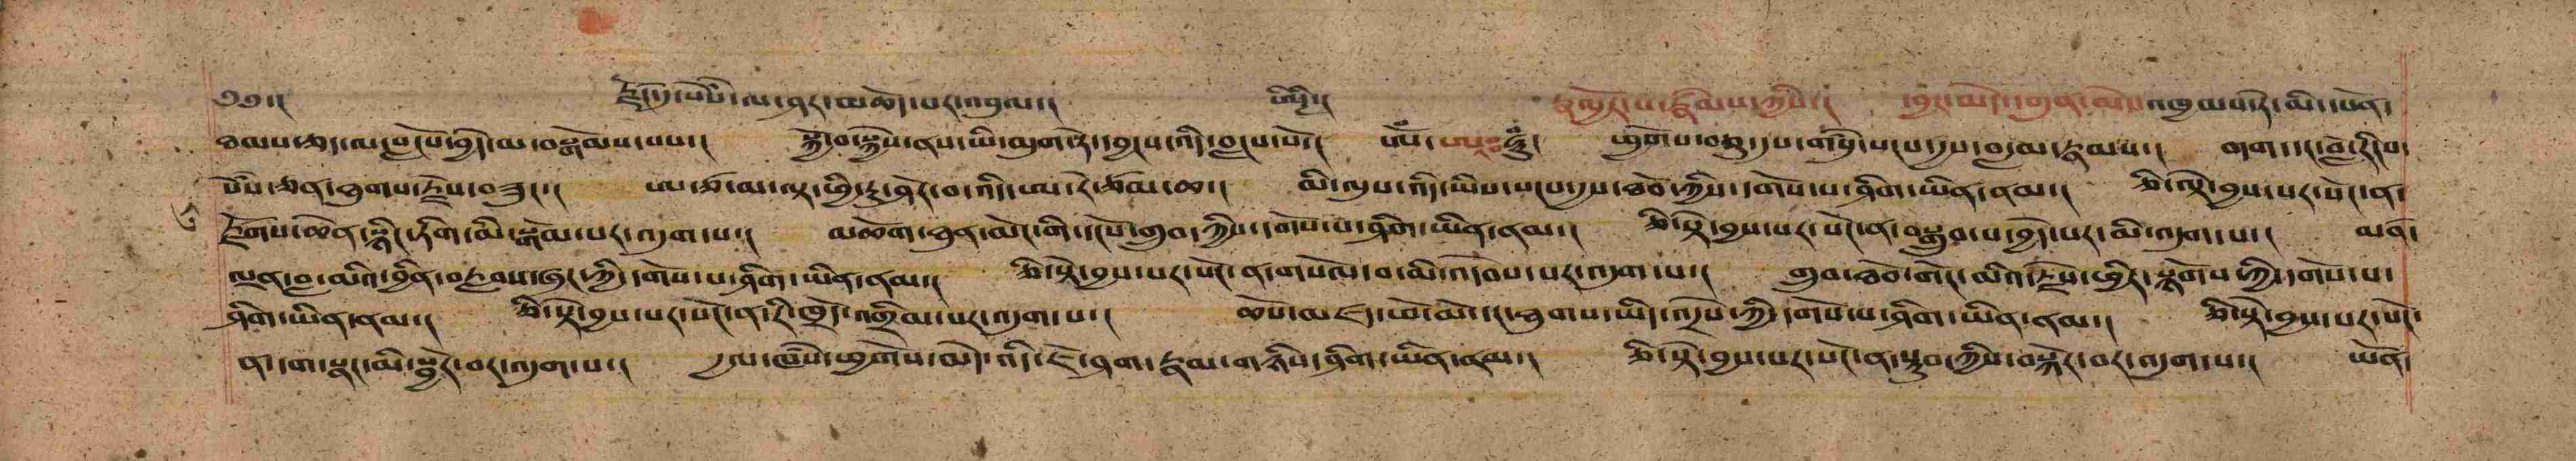༄༅་། རྫོང་དུ་སེམས་ལ་ཤར་མཆོད་པར་འབུལ། ཨིཊི། རྣལ་འབྱོར་པ་རྣམས་ཀྱིས། དབྱར་མེད་དགུན་མེད་འཁྱམས་རེ་མི་དཔོན་
ཐམས་ཅད་ལ་བློངས་བྱེད་མ་བསྒོམས་པས། སྐྱོ་བ་སྐྱེས་ནས་ཡི་མུག་རེ་དབྱངས་འདི་བླངས་སོ། ཨོཾ་ཨཱཿ ཧཱུཾ། ཕྱོགས་བཅུ་དུས་གསུམ་སངས་རྒྱས་བླ་མ་རྣམས། བདག་དང་བློ་རིངས་
སེམས་ཅན་ཐུགས་རྗེས་བཟུང་། ཨ་ཙ་མ་ལྟ་ཕྱི་རུ་ཤོར་བ་འདི་ཨ་རེ་ཙམ་ཆ། མི་ལུས་འདི་ཡིས་སངས་རྒྱས་ཐོབ་ཀྱིས་དགོས་པ་ཤིག་ཡིན་ནམ། ཅི་ལྟེ་བྱས་པར་སོང་ན་
རྫོགས་ཆེན་སྙིང་ཏིག་མི་སྒོམ་པར་འདུག་པ། མཆོག་ཐུན་མོང་གི་དངོས་གྲུབ་ཀྱིས་དགོས་པ་ཤིག་ཡིན་ནམ། ཅི་སྟེ་བྱས་པར་སོང་ན་བསྒྲུབ་པ་བྱེད་པར་མི་འདུག་པ། མཚན་
ལྡན་བླ་མའི་བྱིན་བརླབས་ཞུགས་ཀྱི་དགོས་པ་ཤིག་ཡིན་ནམ། ཅི་སྟེ་བྱས་པར་སོང་ན་གསོལ་བ་མི་འདེབས་པར་འདུག་པ། གྲུབ་ཐོབ་གོང་མའི་རྗེས་ཕྱིར་སྙེགས་ཀྱི་དགོས་པ་
ཤིག་ཡིན་ནམ། ཅི་སྟེ་བྱས་པར་སོང་ན་རི་ཁྲོད་འགྲིམ་པར་འདུག་པ། ཆོས་མཛད་ཕོ་མོ་དང་ཐུགས་ཡིད་འདྲེས་ཀྱི་དགོས་པ་ཤིག་ཡིན་ནམ། ཅི་སྟེ་བྱས་པར་སོང་
ན་དག་སྣང་མི་སྦྱོར་བར་འདུག་པ། རྒྱལ་ཁའི་ཕྱོགས་མེད་འདི་ཇོ་ཤག་རྣམ་གཉིས་ཤིག་ཡིན་ནམ། ཅི་སྟེ་བྱས་པར་སོང་ན་སྟུབ་ཀྱིས་བསྐོར་བར་འདུག་པ། ཡོན་